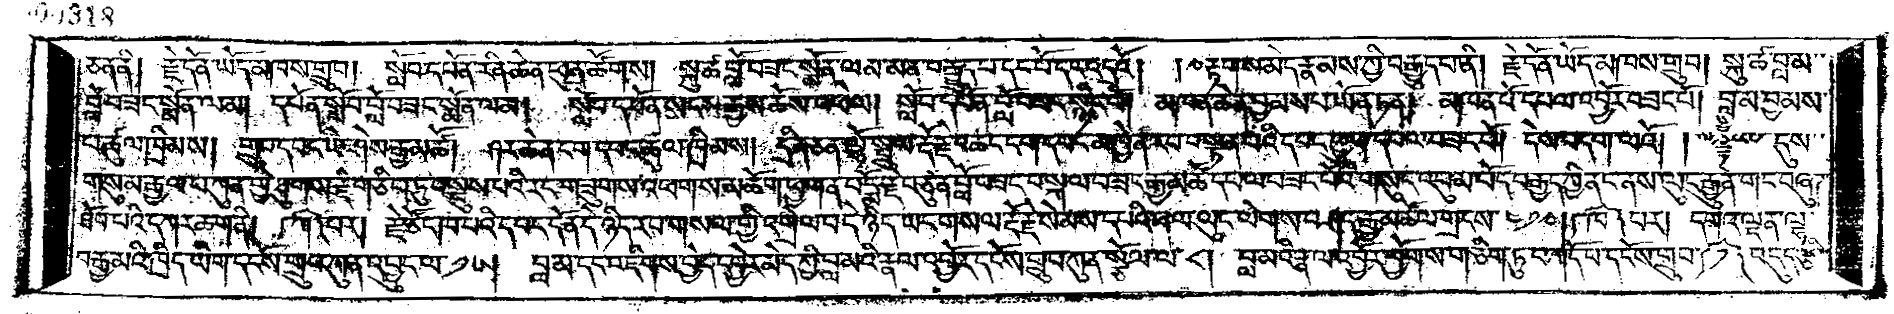ཅན་ནི། རྗེ་དོན་ཡོད་མཁས་གྲུབ། སློབ་དཔོན་རིན་ཆེན་ཕུན་ཚོགས། སྐུ་ཚ་བློ་བཟང་སྨོན་ལམ་མན་བརྒྱུད་པ་དང་པོ་དང་འདྲའོ། །༧རྟགས་མེད་རྣམས་ཀྱི་བརྒྱུད་པ་ནི། རྗེ་དོན་ཡོད་མཁས་གྲུབ། སྐུ་ཚ་བླ་མ་
བློ་བཟང་སྨོན་ལམ། དཔོན་སློབ་བློ་བཟང་སྨོན་ལམ། སློབ་དཔོན་སངས་རྒྱས་ཆོས་འཕེལ། སློབ་དཔོན་བློ་བཟང་སྙིང་པོ། མཁན་ཆེན་བྱམས་པ་ཡོན་ཏན། མཁན་པོ་དཔལ་འབྱོར་བཟང་པོ། བླ་མ་བྱམས་
པ་ཚུལ་ཁྲིམས། གྲུབ་དབང་ཡེ་ཤེས་རྒྱ་མཚོ། ཤར་ཆེན་ངག་དབང་ཚུལ་ཁྲིམས། དྲིན་ཅན་ལྷོ་སྤྲུལ་རྡོ་རྗེ་འཆང་ངག་དབང་མཁྱེན་རབ་བསྟན་པའི་དབང་ཕྱུག་དཔལ་བཟང་པོ། དེས་བདག་ལའོ། །༈ དུས་
གསུམ་རྒྱལ་བ་ཀུན་གྱི་ཐུགས་རྗེ་གཅིག་ཏུ་བསྡུས་པའི་རང་གཟུགས་འཕགས་མཆོག་ཕྱག་ན་པདམོ་རྗེ་བཙུན་བློ་བཟང་བསྐལ་བཟང་རྒྱ་མཚོ་དཔལ་བཟང་པོའི་གསུང་འབུམ་པོད་བརྒྱད་ཀྱི་ནང་ནས་ལུང་རྒྱུན་གང་བཞུཌ་
ཐོབ་པའི་དཀར་ཆག་ནི། ༼ཀ༽ པར། རྗེ་ཙོང་ཁ་པའི་དབང་དོན་དེ་ཉིད་རབ་གསལ་གྱི་འགྲེལ་བདེ་ཉིད་ཡང་གསལ་རྡོ་རྗེ་སེམས་དཔའི་ཞལ་ལུང་ལེགས་བཤད་རྒྱ་མཚོ་ལ་གྲངས ༤༡༠། ༼ཁ༽ པར། དགའ་ལྡན་ལྷ་
བརྒྱ་མའི་ཁྲིད་ཡིག་དངོས་གྲུབ་ཀུན་འབྱུང་ལ ༡༦། བླ་མ་དང་འཇིགས་བྱེད་དབྱེར་མེད་ཀྱི་བླ་མའི་རྣལ་འབྱོར་དངོས་གྲུབ་ཀུན་སྩོལ་ལ ༨། བླ་མའི་རྣལ་འབྱོར་ཕྱོགས་གཅིག་ཏུ་བཀོད་པ་དངོས་གྲུབ ༼༡༽ བདུད་རྩི་